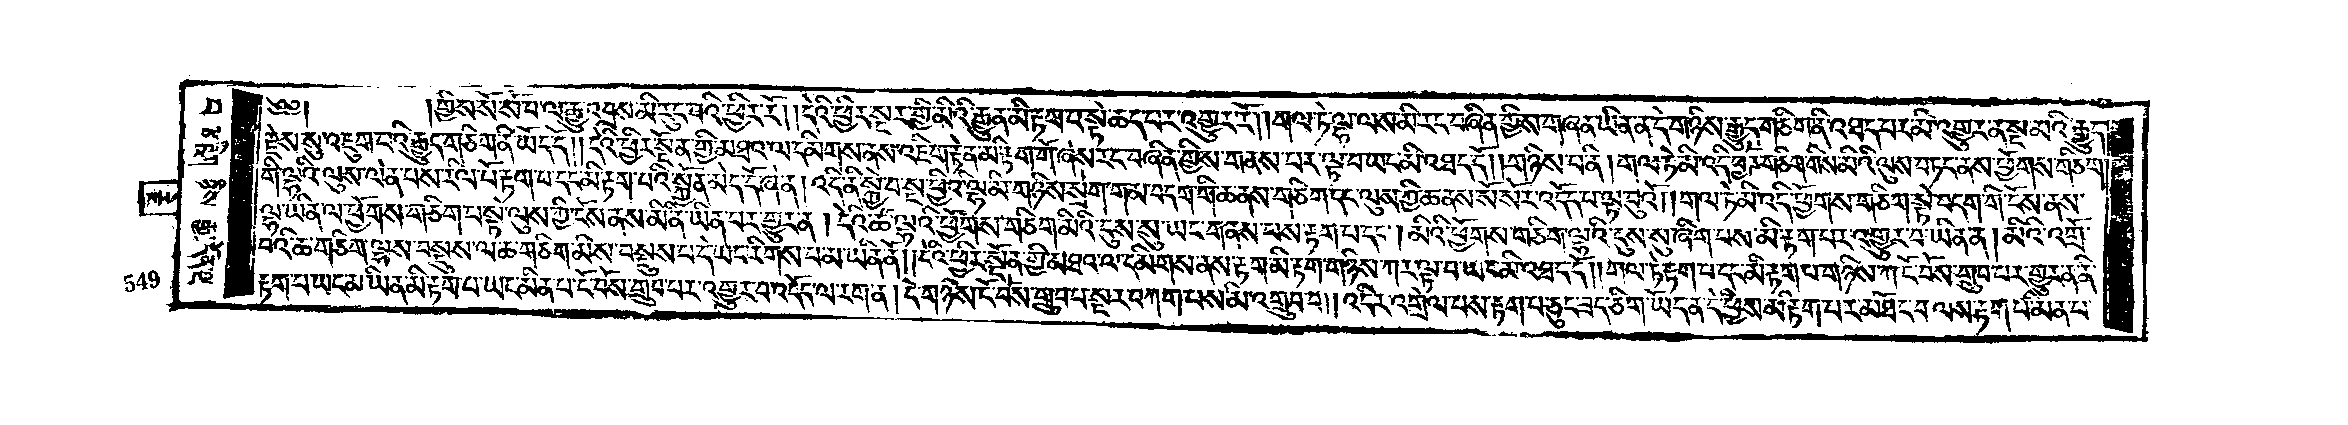༄༅། །གྱིས་སོ་སོ་བ་ལ་རྒྱུ་འབྲས་མི་རུང་བའི་ཕྱིར་རོ། །དེའི་ཕྱིར་སྔར་གྱི་མིའི་རྒྱུན་མི་རྟག་པ་སྟེ་ཆད་པར་འགྱུར་རོ། །གལ་ཏེ་ལྷ་ལས་མི་རང་བཞིན་ཡིས་གཞན་ཡིན་ན་དེ་གཉིས་རྒྱུད་གཅིག་ནི་འཐད་པར་མི་འགྱུར་ན་སྔ་མའི་རྒྱུད་
རྗེས་སུ་འཇུག་པའི་རྒྱུད་གཅིག་ནི་ཡོད་དོ། །དེའི་ཕྱིར་སྔོན་གྱི་མཐའ་ལ་དམིགས་ནས་འཇིག་རྟེན་མ་རྟོག་གོ་ཞེས་རང་བཞིན་གྱིས་གནས་པར་ལྟ་བ་ཡང་མི་འཐད་དོ། །གཉིས་པ་ནི། གལ་ཏེ་མི་འདི་ཕྱོགས་གཅིག་གིས་མིའི་ལུས་བཏང་ནས་ཕྱོགས་གཅིག་
གི་ལྷའི་ལུས་ལེན་པས་རིལ་པོ་རྟག་པ་དང་མི་རྟག་པའི་སྐྱོན་མེད་དོ་ཞེ་ན། འདི་ནི་སྐྱེ་བ་སྔ་ཕྱིའི་ལྷ་མི་གཉིས་སྲོག་གམ་བདག་གི་ཆ་ནས་གཅིག་དང་ལུས་ཀྱི་ཆ་ནས་སེ་སེར་འདོད་པ་ལྟ་བུའོ། །གལ་ཏེ་མི་འདི་ཕྱོགས་གཅིག་སྟེ་བདག་གི་ངོས་ནས་
ལྷ་ཡིན་ལ་ཕྱོགས་གཅིག་པ་སྟེ་ལུས་ཀྱི་ངོས་ནས་མིན་ཡིན་པར་གྱུར་ན། དེའི་ཚེ་ལྷའི་ཕྱོགས་གཅིག་མིའི་དུས་སུ་ཡང་ངས་པས་རྟག་པ་དང་། མིའི་ཕྱོགས་གཅིག་ལྷའི་དུས་ཞིག་པས་མི་རྟག་པར་འགྱུར་བ་ཡིན་ན། མིའི་འགྲོ་
བའི་ཆ་གཅིག་ལྷས་བསྡུས་ལ་ཆ་གཅིག་མིས་བསྡུས་པ་དེ་ཡང་རིགས་པ་མ་ཡིན་ནོ། །དེའི་ཕྱིར་སྔོན་གྱི་མཐའ་ལ་དམིགས་ནས་རྟག་མི་རྟག་གཉིས་ཀར་ལྟ་བ་ཡང་མི་འཐད་དོ། །གལ་ཏེ་རྟག་པ་དང་མི་རྟག་པ་གཉིས་ཀ་ངོ་བོས་གྲུབ་པར་གྱུར་ན་ནི་
རྟག་པ་ཡང་མ་ཡིན་མི་རྟག་པ་ཡང་མིན་པ་ངོ་བོས་གྲུབ་པར་འགྱུར་པ་འདོད་ལ་རག་ན། དེ་གཉི་ངོ་བོས་གྲུབ་པ་སྔར་བཀག་པས་མི་འགྲུབ་བོ། །འདིར་འགྲེལ་པས་རྟག་པ་ཅུང་ཟད་ཅིག་ཡོད་ན་དེ་ཕྱིས་མི་རྟག་པར་མཐོང་བ་ལས་རྟག་པ་མིན་པ་